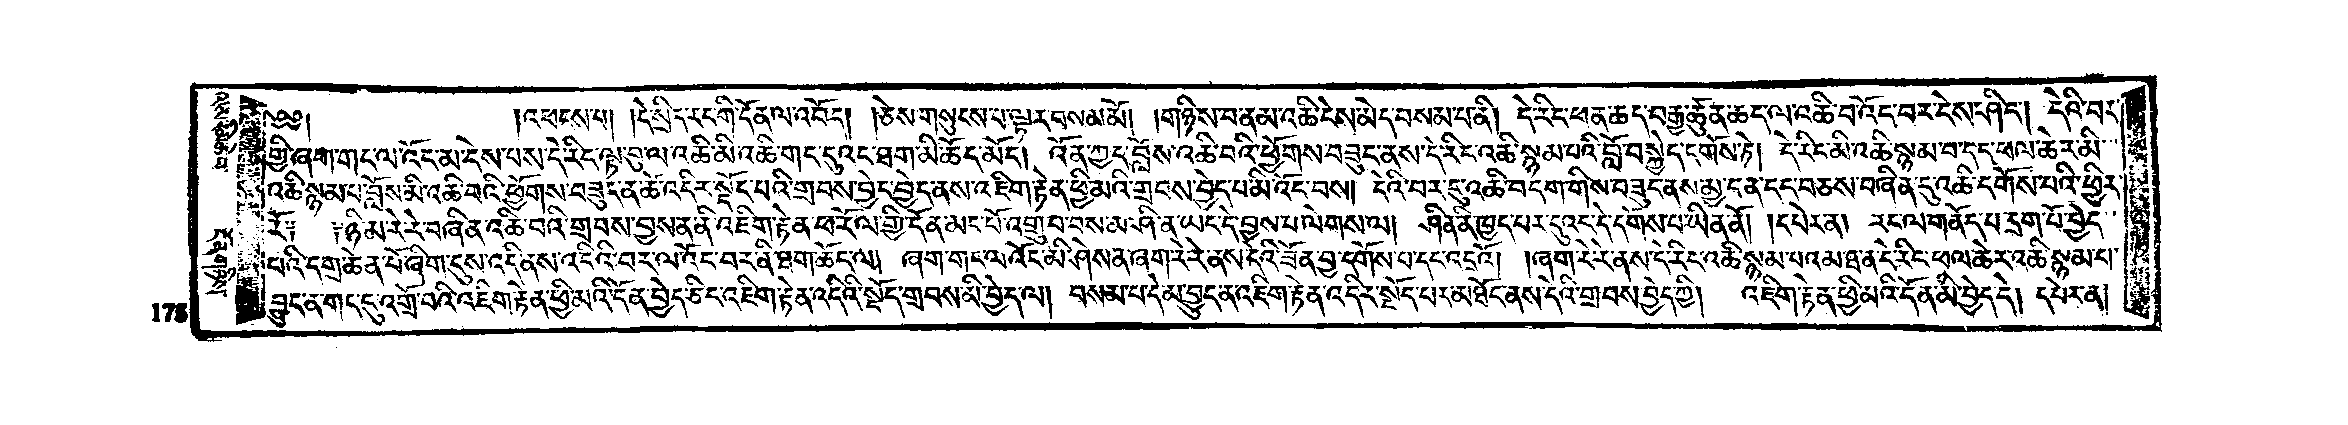༄༅། །འཕངས་པ། །དེ་སྲིད་རང་གི་དོན་ལ་འབོད། །ཅེས་གསུངས་པ་ལྟར་བསམ་མོ། །གཉིས་པ་ནམ་འཆི་ངེས་མེད་བསམ་པ་ནི། དེ་རིང་ཕན་ཆད་བརྒྱ་ཚུན་ཆད་ལ་འཆི་བ་འོང་བར་ངེས་ཤིང་། དེའི་བར་
གྱི་ཞག་གང་ལ་འོང་མ་དེས་པས་དེ་རིང་ལྟ་བུ་ལ་འཆི་མི་འཆི་གང་དུའང་ཐག་མི་ཆོད་མོད། འོན་ཀྱང་བློས་འཆི་བའི་ཕྱོགས་བཟུང་ནས་དེ་རིང་འཆི་སྙམ་པའི་བློ་བསྐྱེད་དགོས་ཏེ། དེ་རིང་མི་འཆི་སྙམ་བ་དང་ཕལ་ཆེར་མི་
འཆི་སྙམ་པ་བློས་མི་འཆི་བའི་ཕྱོགས་བཟུང་ན་ཚེ་འདིར་སྡོད་པའི་གྲབས་བྱེད་བྱེད་ནས་འཇིག་རྟེན་ཕྱི་མའི་གྲབས་བྱེད་པ་མི་འོང་བས། དེའི་བར་དུ་འཆི་བདག་གིས་བཟུང་ནས་མྱ་ངན་དང་བཅས་བཞིན་དུ་འཆི་དགོས་པའི་ཕྱིར་
རོ༑ ༑ཉི་མ་རེ་རེ་བཞིན་འཆི་བའི་གྲབས་བྱས་ན་ནི་འཇིག་རྟེན་ཕ་རོལ་གྱི་དོན་མང་པོ་འགྲུ་པ་པས་མ་ཤི་ན་ཡང་དེ་བྱས་པ་ལེགས་ལ། ཤིན་ནི་ཁྱད་པར་དུའང་དེ་དགོས་པ་ཡིན་ནོ། །དཔེར་ན། རང་ལ་གནོད་པ་དྲག་པོ་བྱེད་
པའི་དགྲ་ཆེན་པོ་ཞིག་དུས་འདི་ནས་འདིའི་བར་ལ་འོང་བར་ནི་ཐག་ཆོད་ལ། ཞག་གང་ལ་འོང་མི་ཤེས་ན་ཞག་རེ་རེ་ནས་དེའི་ཟོན་བྱ་དགོས་པ་དང་འདྲའོ། །ཞག་རེ་རེ་ནས་དེ་རིང་འཆི་སྙམ་པའམ་ཐ་ན་དེ་རིང་ཕལ་ཆེར་འཆི་སྙམ་པ་
བྱུང་ན་གང་དུ་འགྲོ་བའི་འཇིག་རྟེན་ཕྱི་མའི་དོན་བྱེད་ཅིང་འཇིག་རྟེན་འདིའི་སྡོད་གྲབས་མི་བྱེད་ལ། བསམ་པ་དེ་མ་བྱུང་ན་འཇིག་རྟེན་འདིར་སྡོད་པར་མཐོང་ནས་དེའི་གྲབས་བྱེད་ཀྱི། འཇིག་རྟེན་ཕྱི་མའི་དོན་མི་བྱེད་དེ། དཔེར་ན།